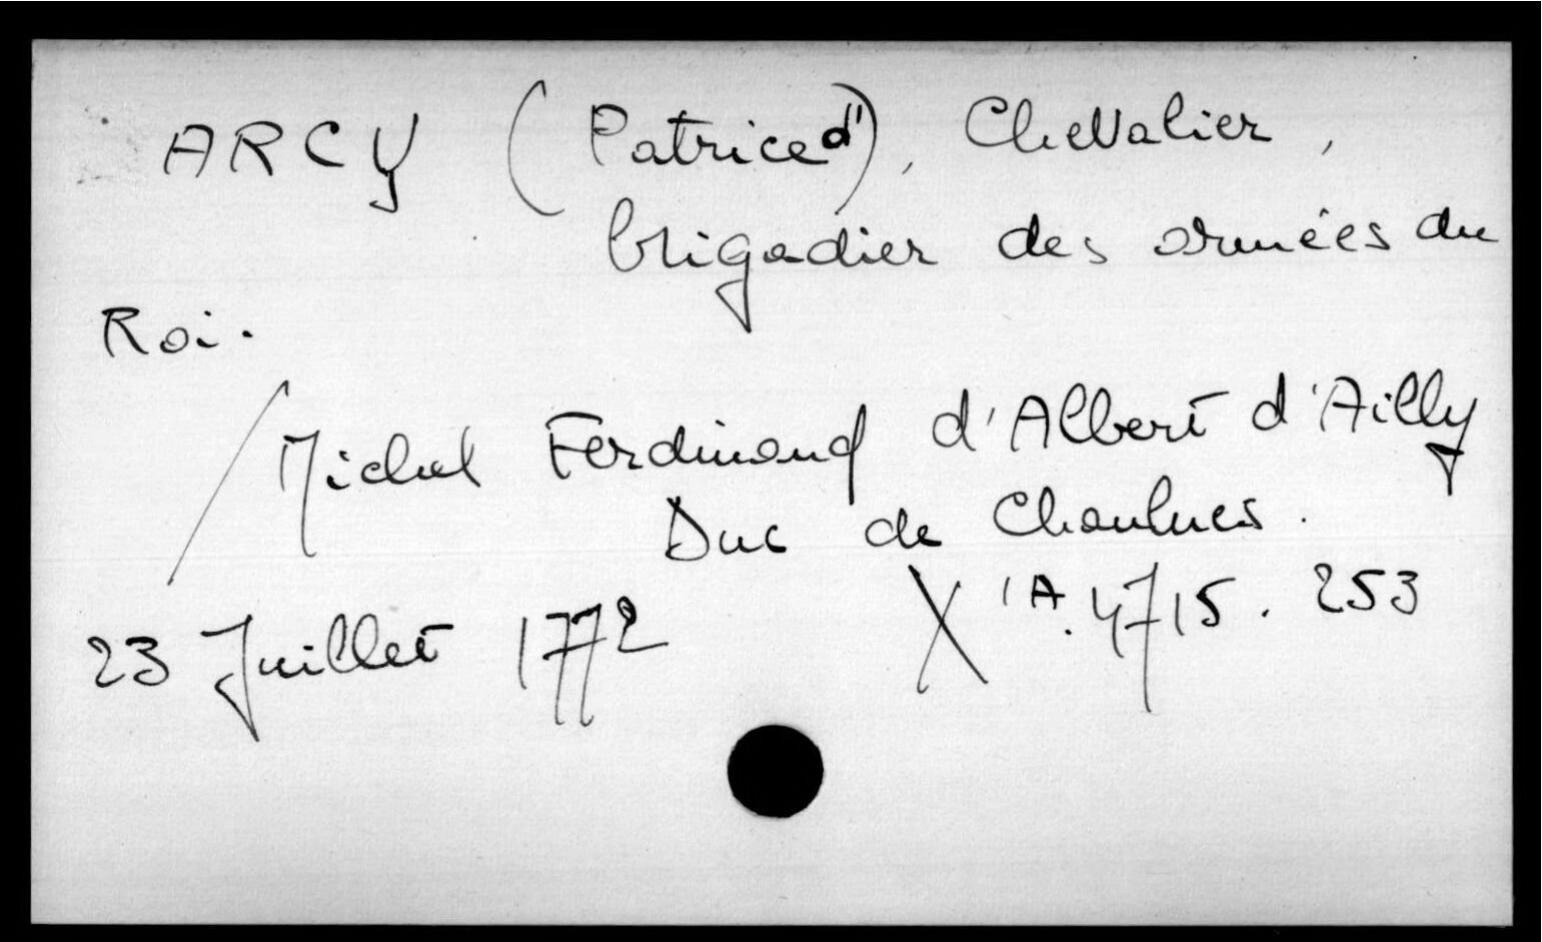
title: ARCY (Patrice d'), Chevalier, brigadier des armées du Roi
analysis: Contre Michel Ferdinand d'Albert d'Ailly, duc de Chaulnes
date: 23 juillet 1772
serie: X1A
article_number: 4715
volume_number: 253
